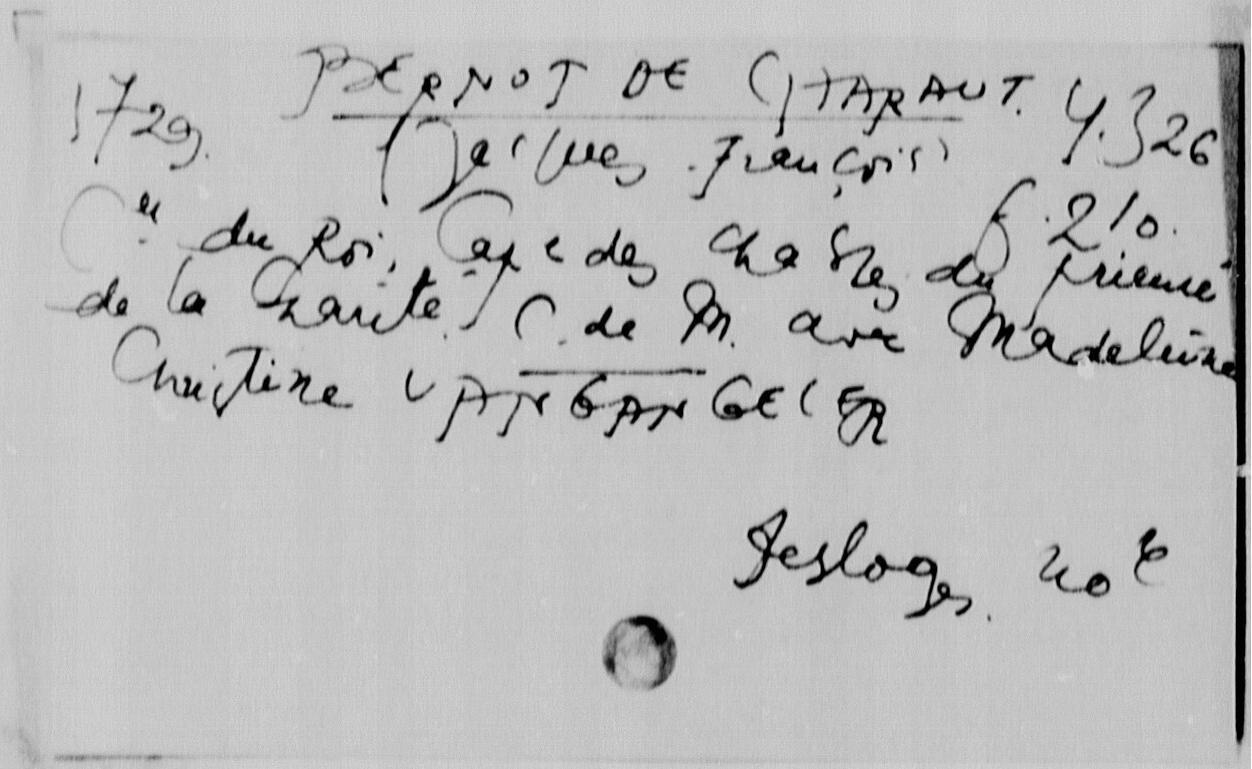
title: BERNOT DE CHARAUT (Jacques-François)
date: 1729
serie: Y
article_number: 326
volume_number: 210
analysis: Conseiller du roi, capitaine des chasses du prieure de la Charité.. Contrat de mariage avec Madeleine Christine Vangangeler. Desloges, notaire.
